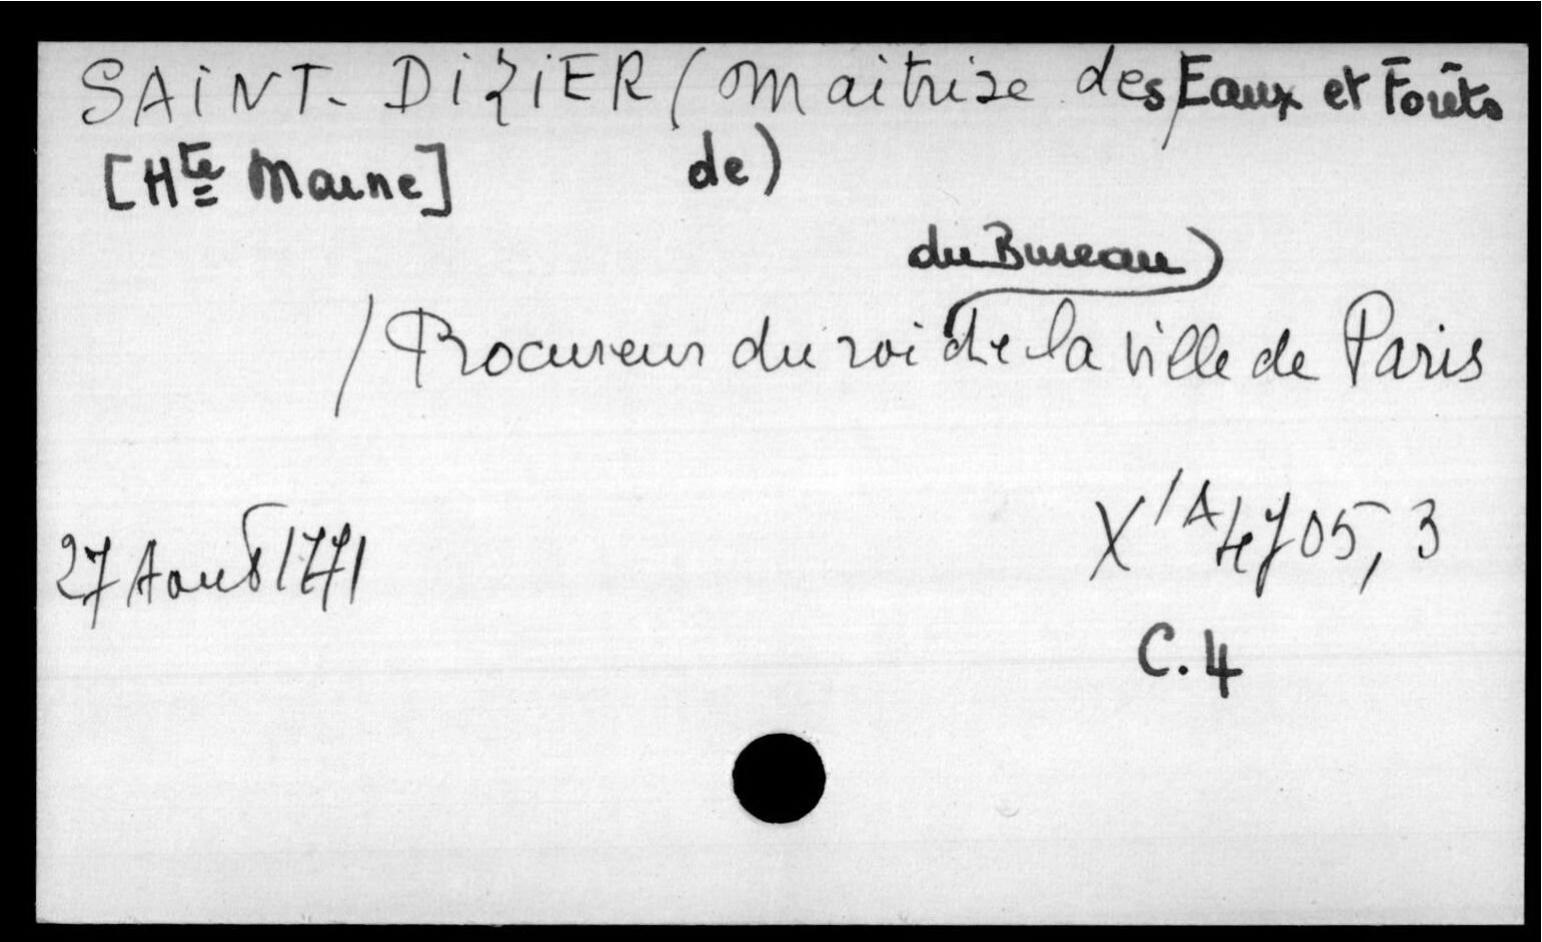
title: SAINT-DIZIER (Maîtrise des Eaux et Forêts de) [Haute-Marne]
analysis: Contre Procureur du roi de la ville de Paris
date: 27 août 1771
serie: X1A
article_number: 4705
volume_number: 3 Conseil, 4
